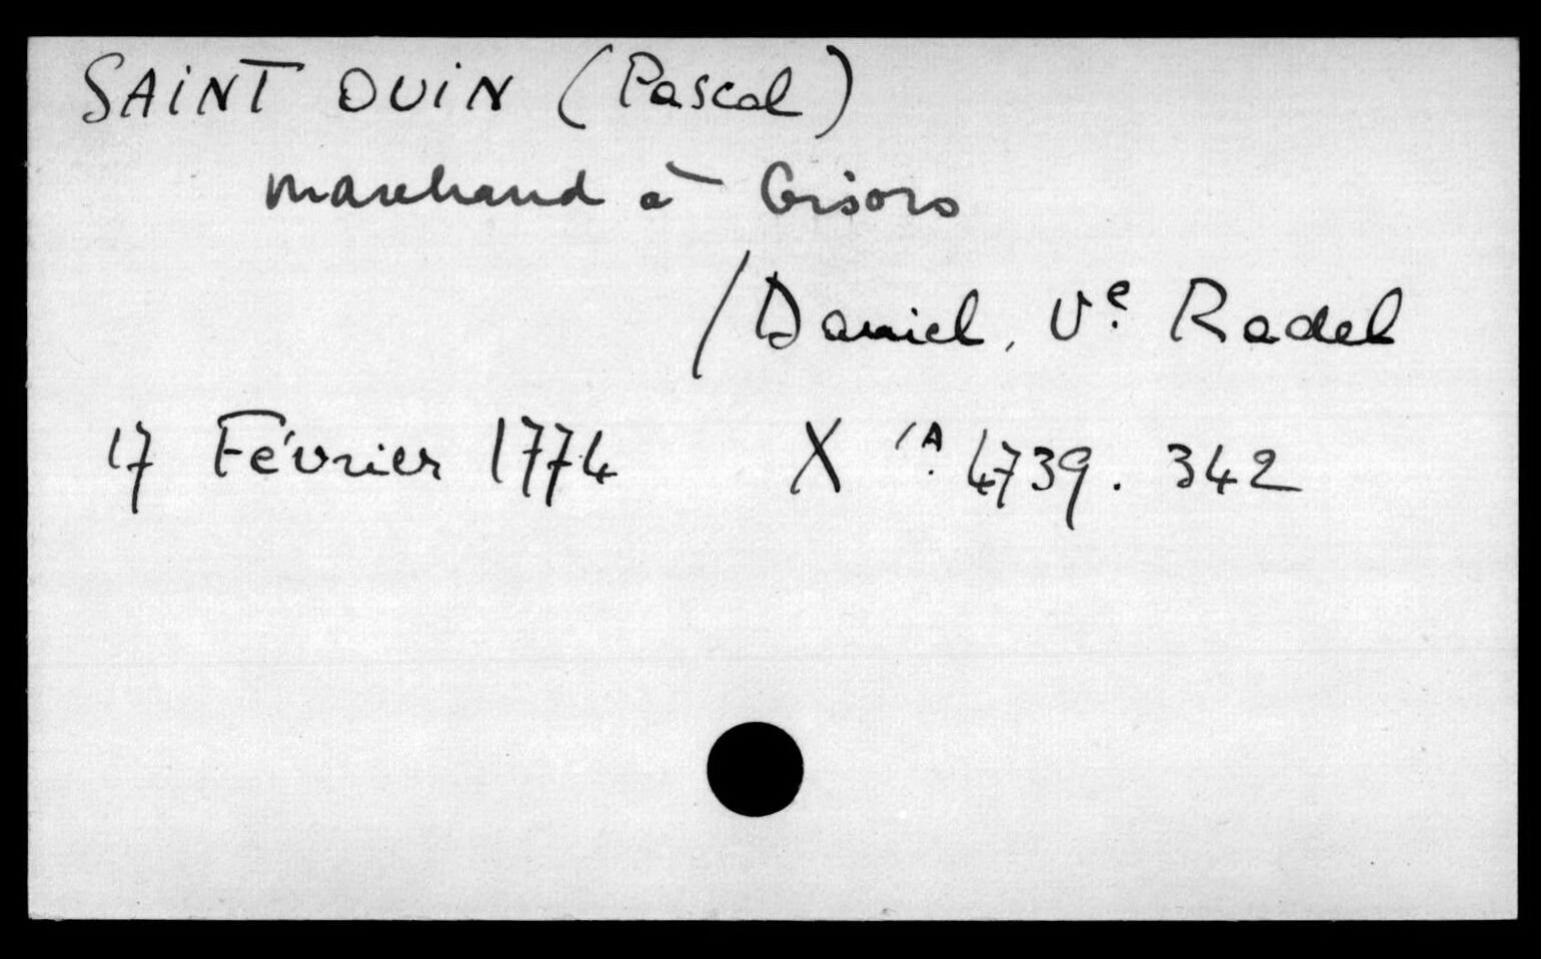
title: SAINT OUIN (Pascal) marchand à Gisors
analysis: Contre Daniel, veuve Radel
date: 17 février 1774
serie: X1A
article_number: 4739
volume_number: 342
